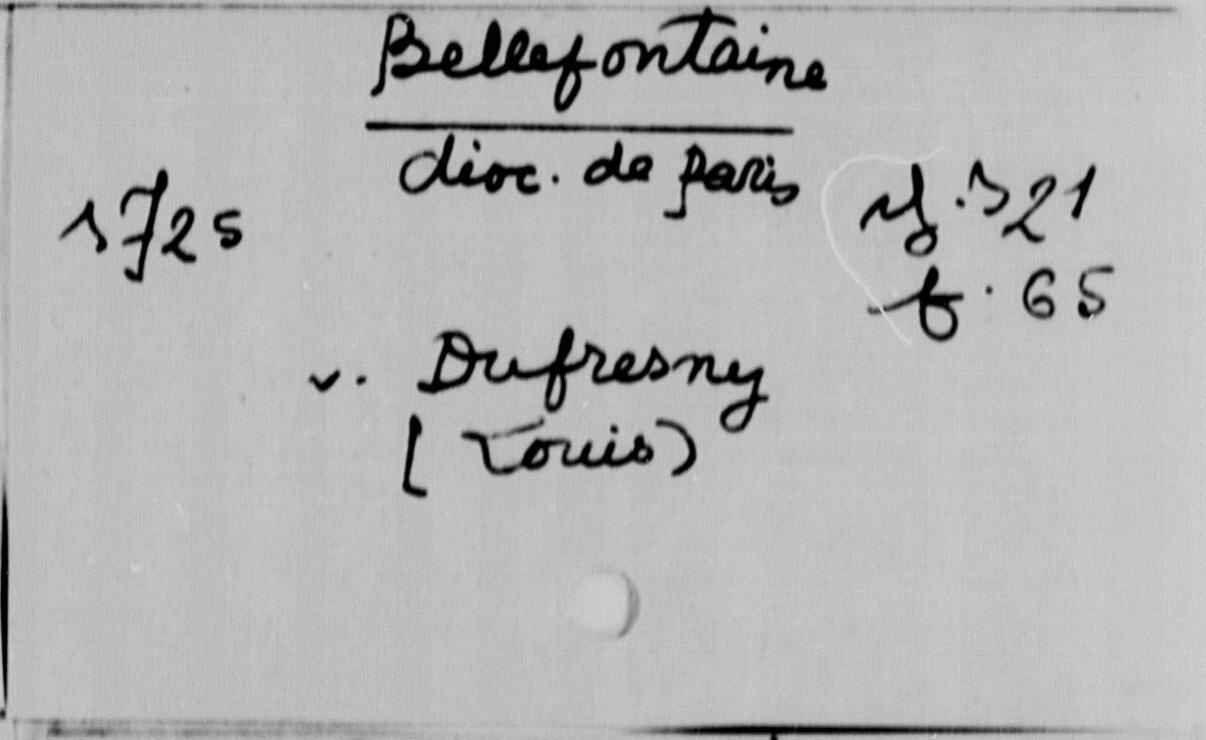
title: BELLEFONTAINE diocèse de Paris
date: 1725
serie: Y
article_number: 321
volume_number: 65
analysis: Voir DUFRESNY (Louis)
